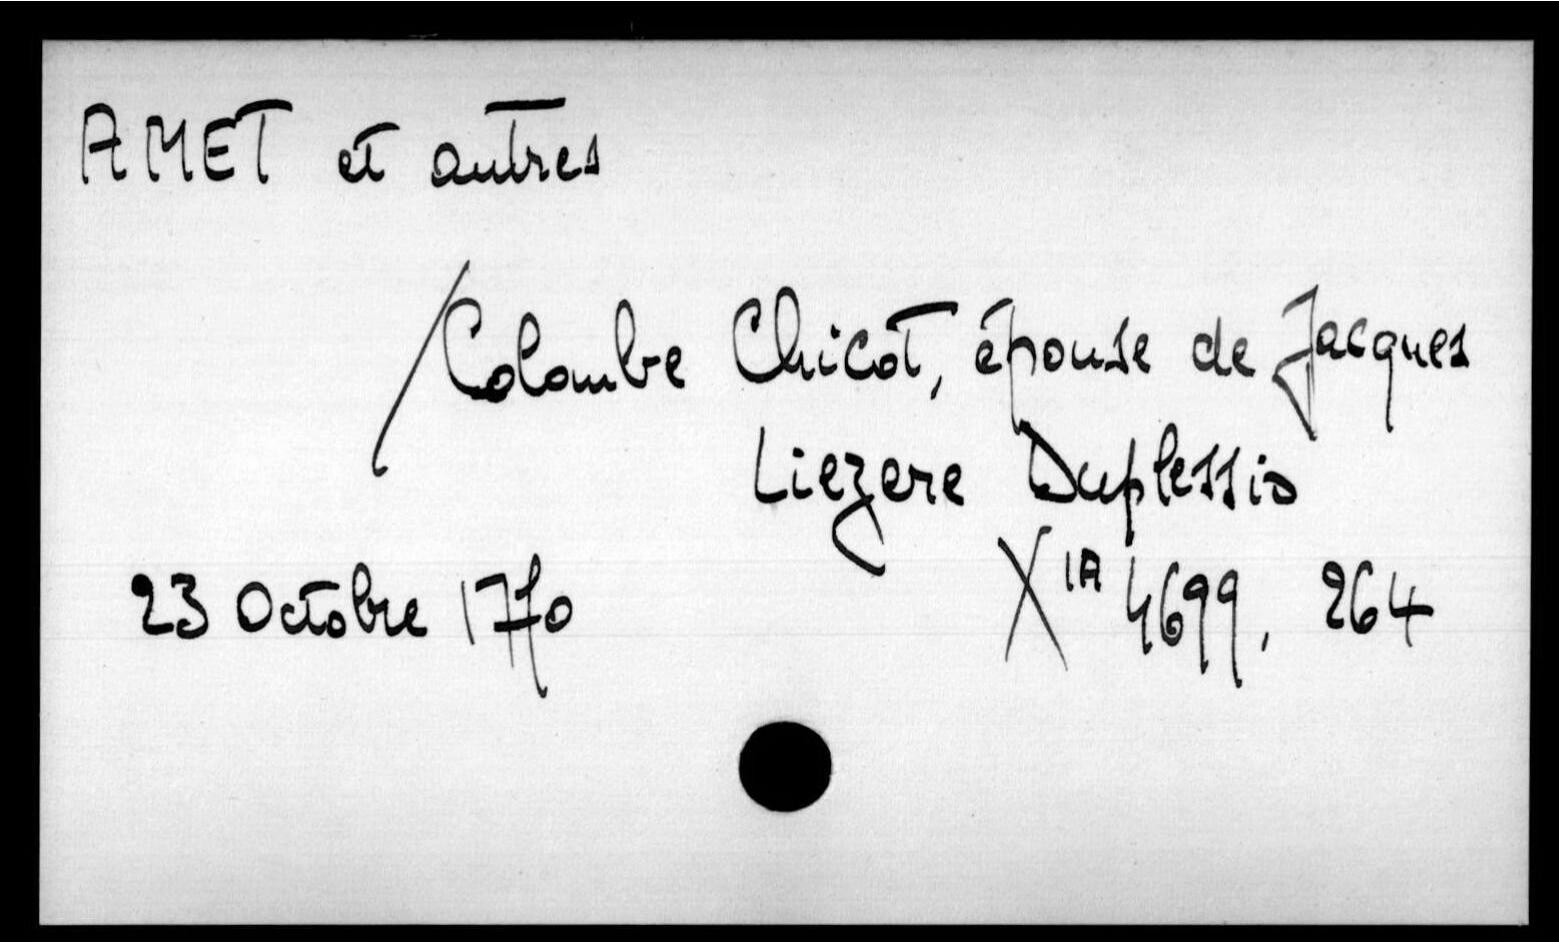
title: AMET et autres
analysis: Contre Colombe Chicot, épouse de Jacques Liezere Duplessis
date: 23 octobre 1770
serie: X1A
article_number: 4699
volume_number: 264
